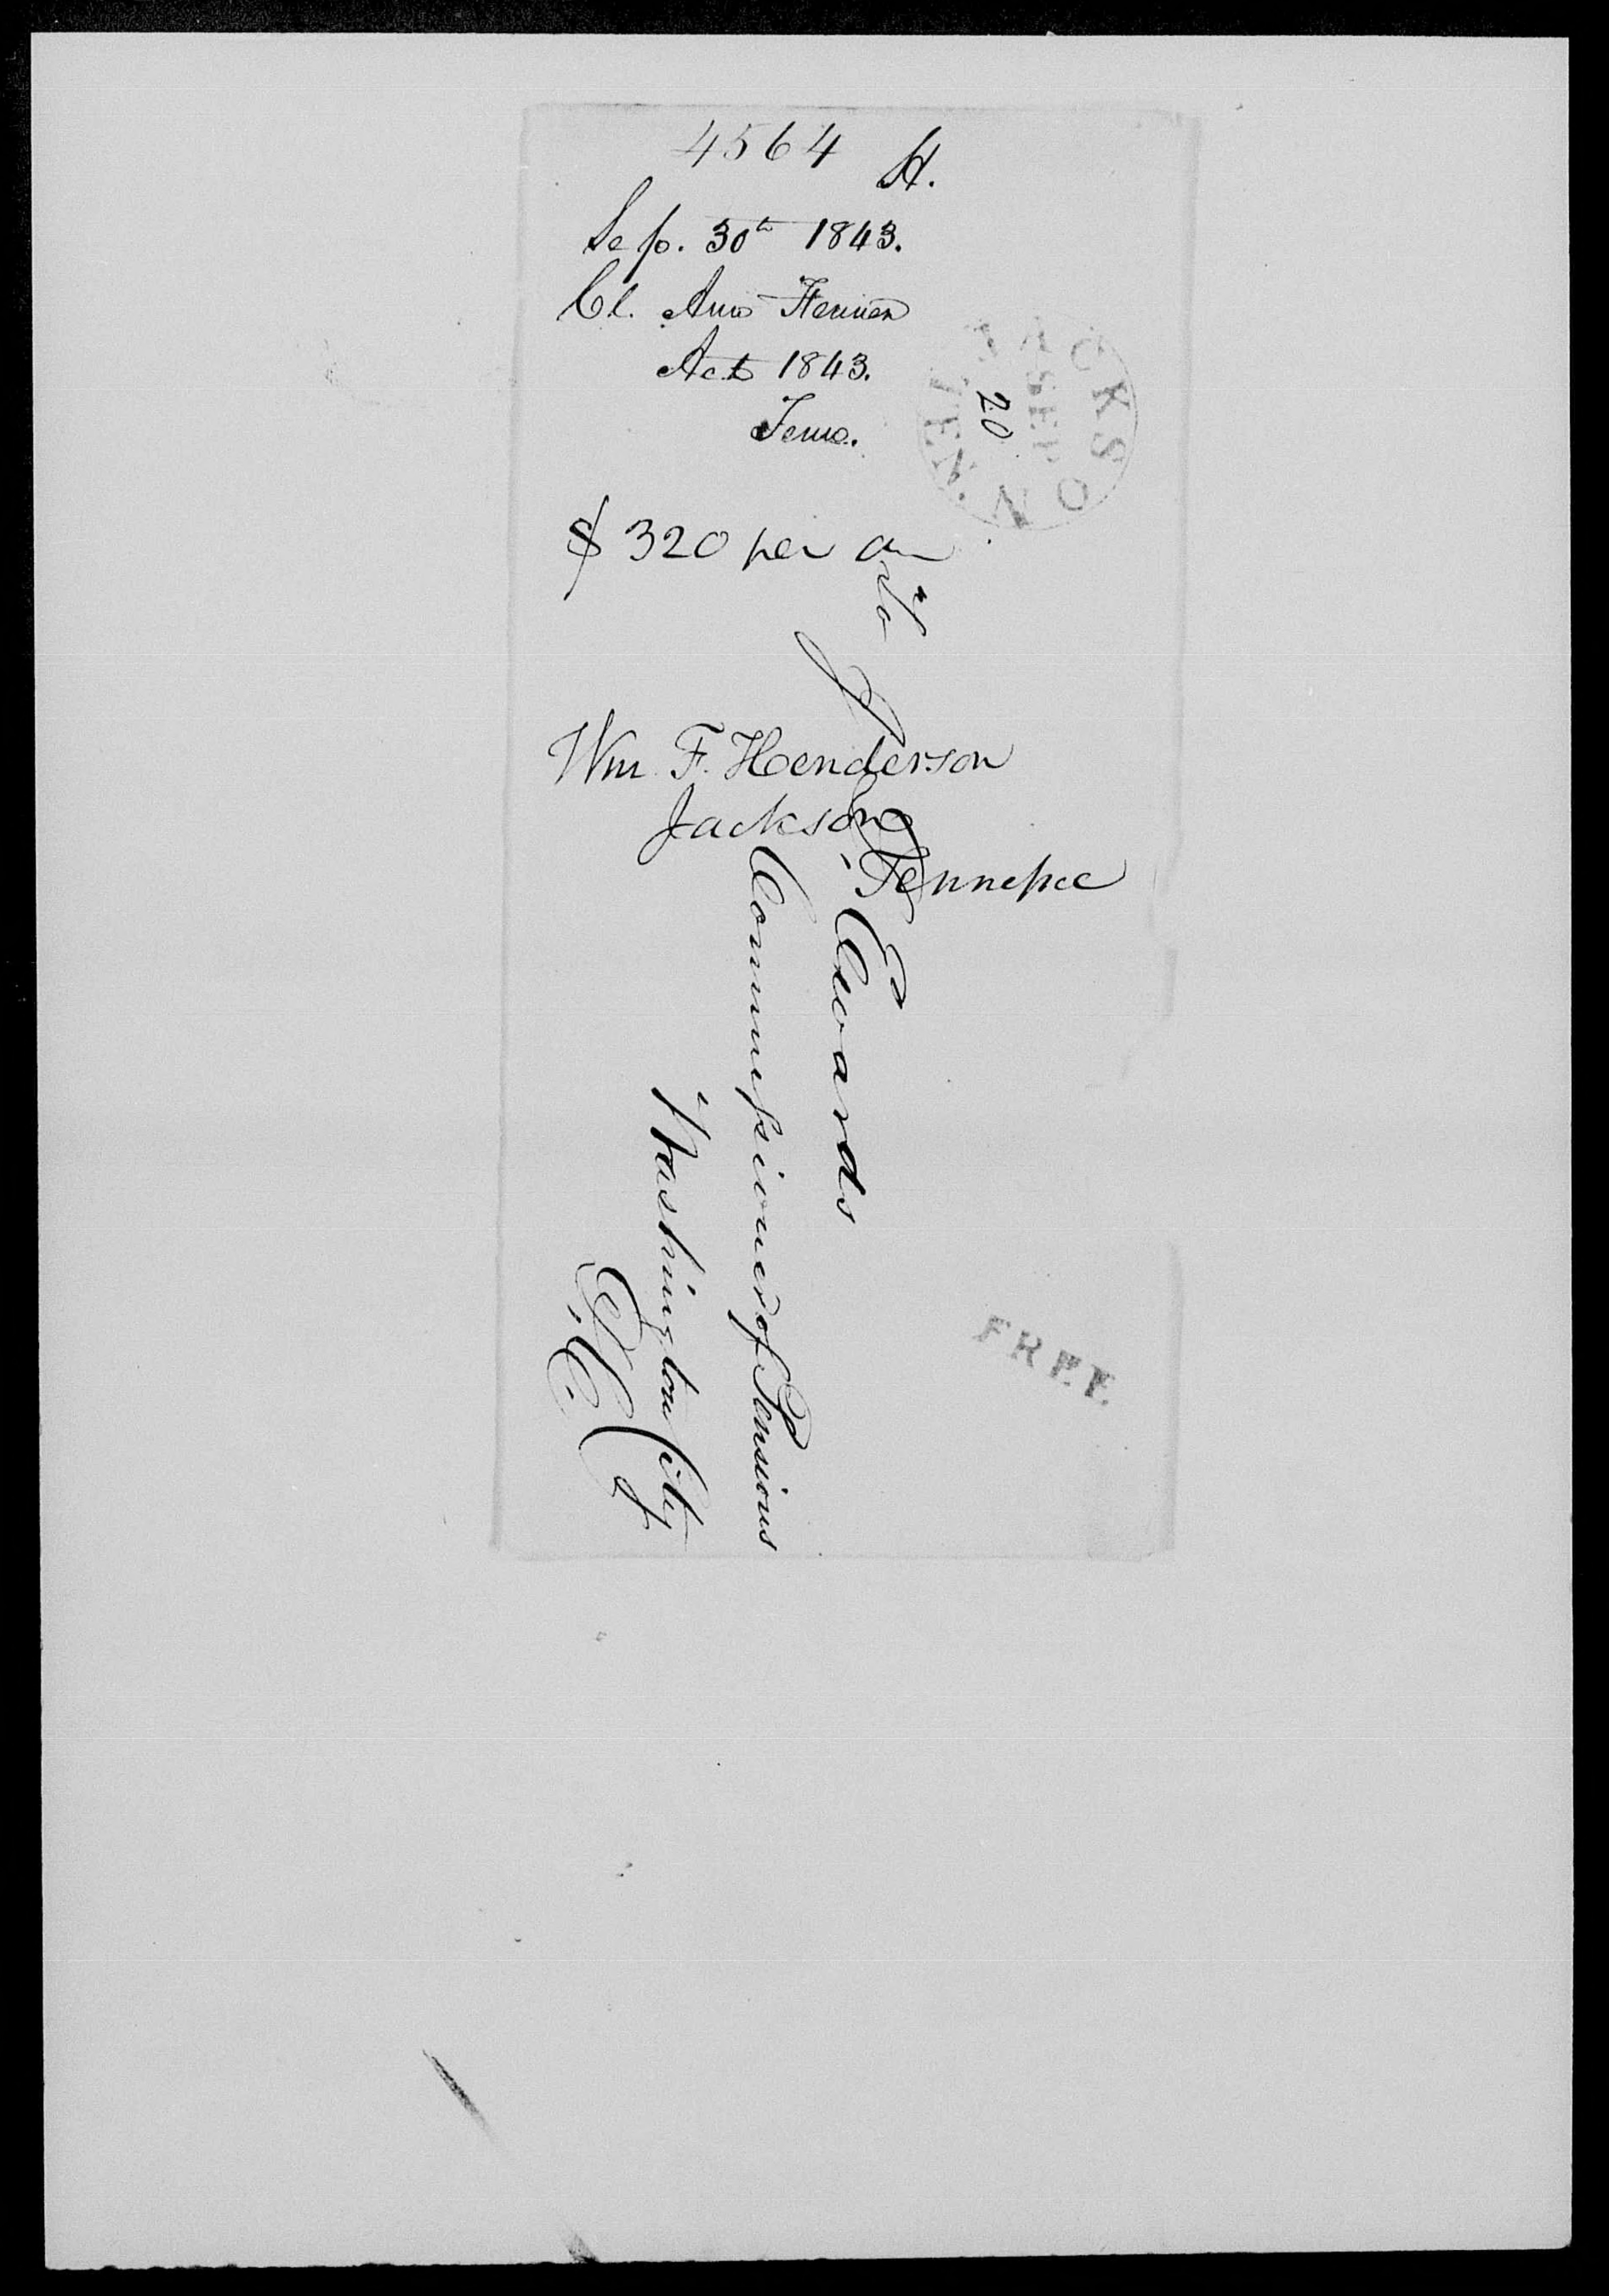4564 H.

Sep. 30th 1843.

Cr. Ann Fenner

Act 1843.

Tenns.

Jackson Ten. Sep 20

$320 her a

Wm. F. Henderson, Jackson, Tennessee

J. F. Evans
Commissioner of Pensions
Washington City, D.C.

FREE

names: J L Edwards, Wm F Henderson, Ann Fenner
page: 10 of 39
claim: widow's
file: W. 789, Richard Fenner, N.C.